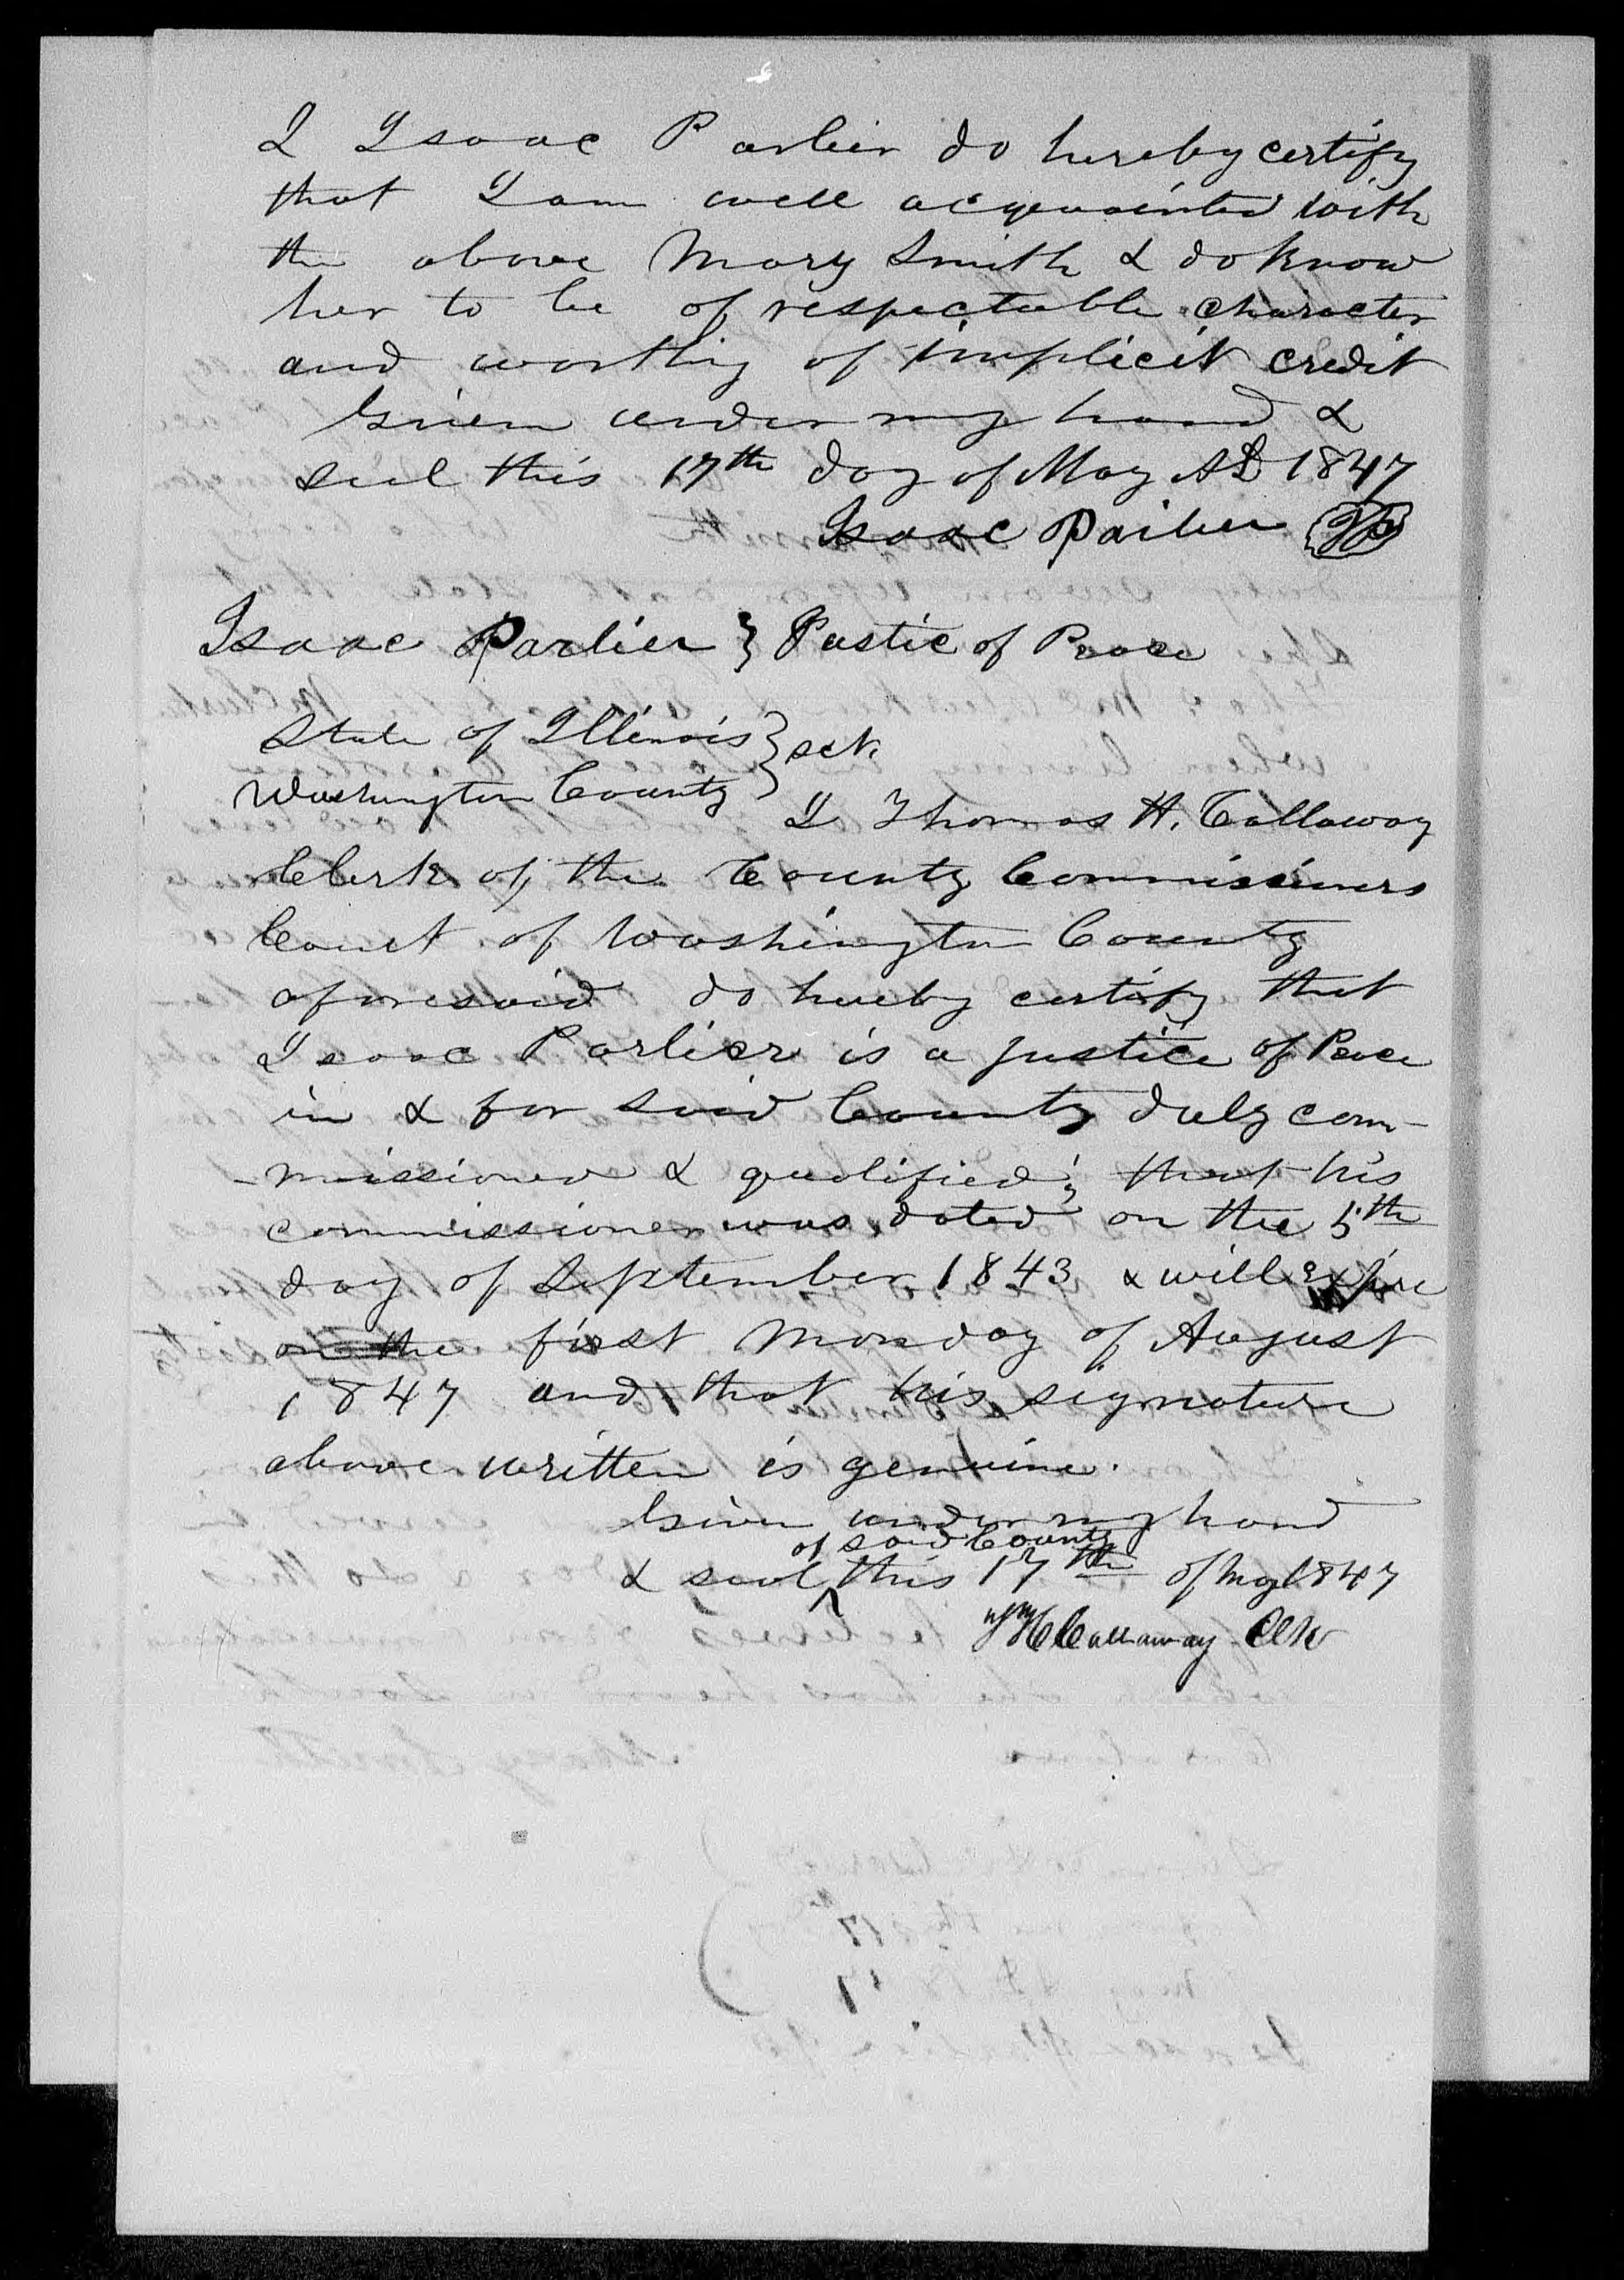I Isaac Parlier do hereby certify that 
I am well acquainted with 
the above Mary Smith & do know 
her to be of respectable character 
and worthy of implicit credit

Given under my hand & 
seal this 17th day of May AD 1847 
Isaac Parlier J.P.

Isaac Parlier} Justice of Peace 

State of Illinois ⎬ sct. 
Washington County} 
I Thomas H. Callaway Clerk of the County Commissioners Court of Washington County aforesaid do hereby certify that Isaac Parlier is a Justice of Peace in & for said County duly commissioned & qualified; that his Commissioner was dated on the 5th 
day of September 1843 & will expire 
the first Monday of August 
1847 and that his signature 
above written is genuine. 
Given in my hand 
& seal of said County this 17th of  May 1847

T.H. Callaway Clk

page: 60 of 93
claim: widow's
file: W. 21792, for Thomas Mc Clurken, South Carolina